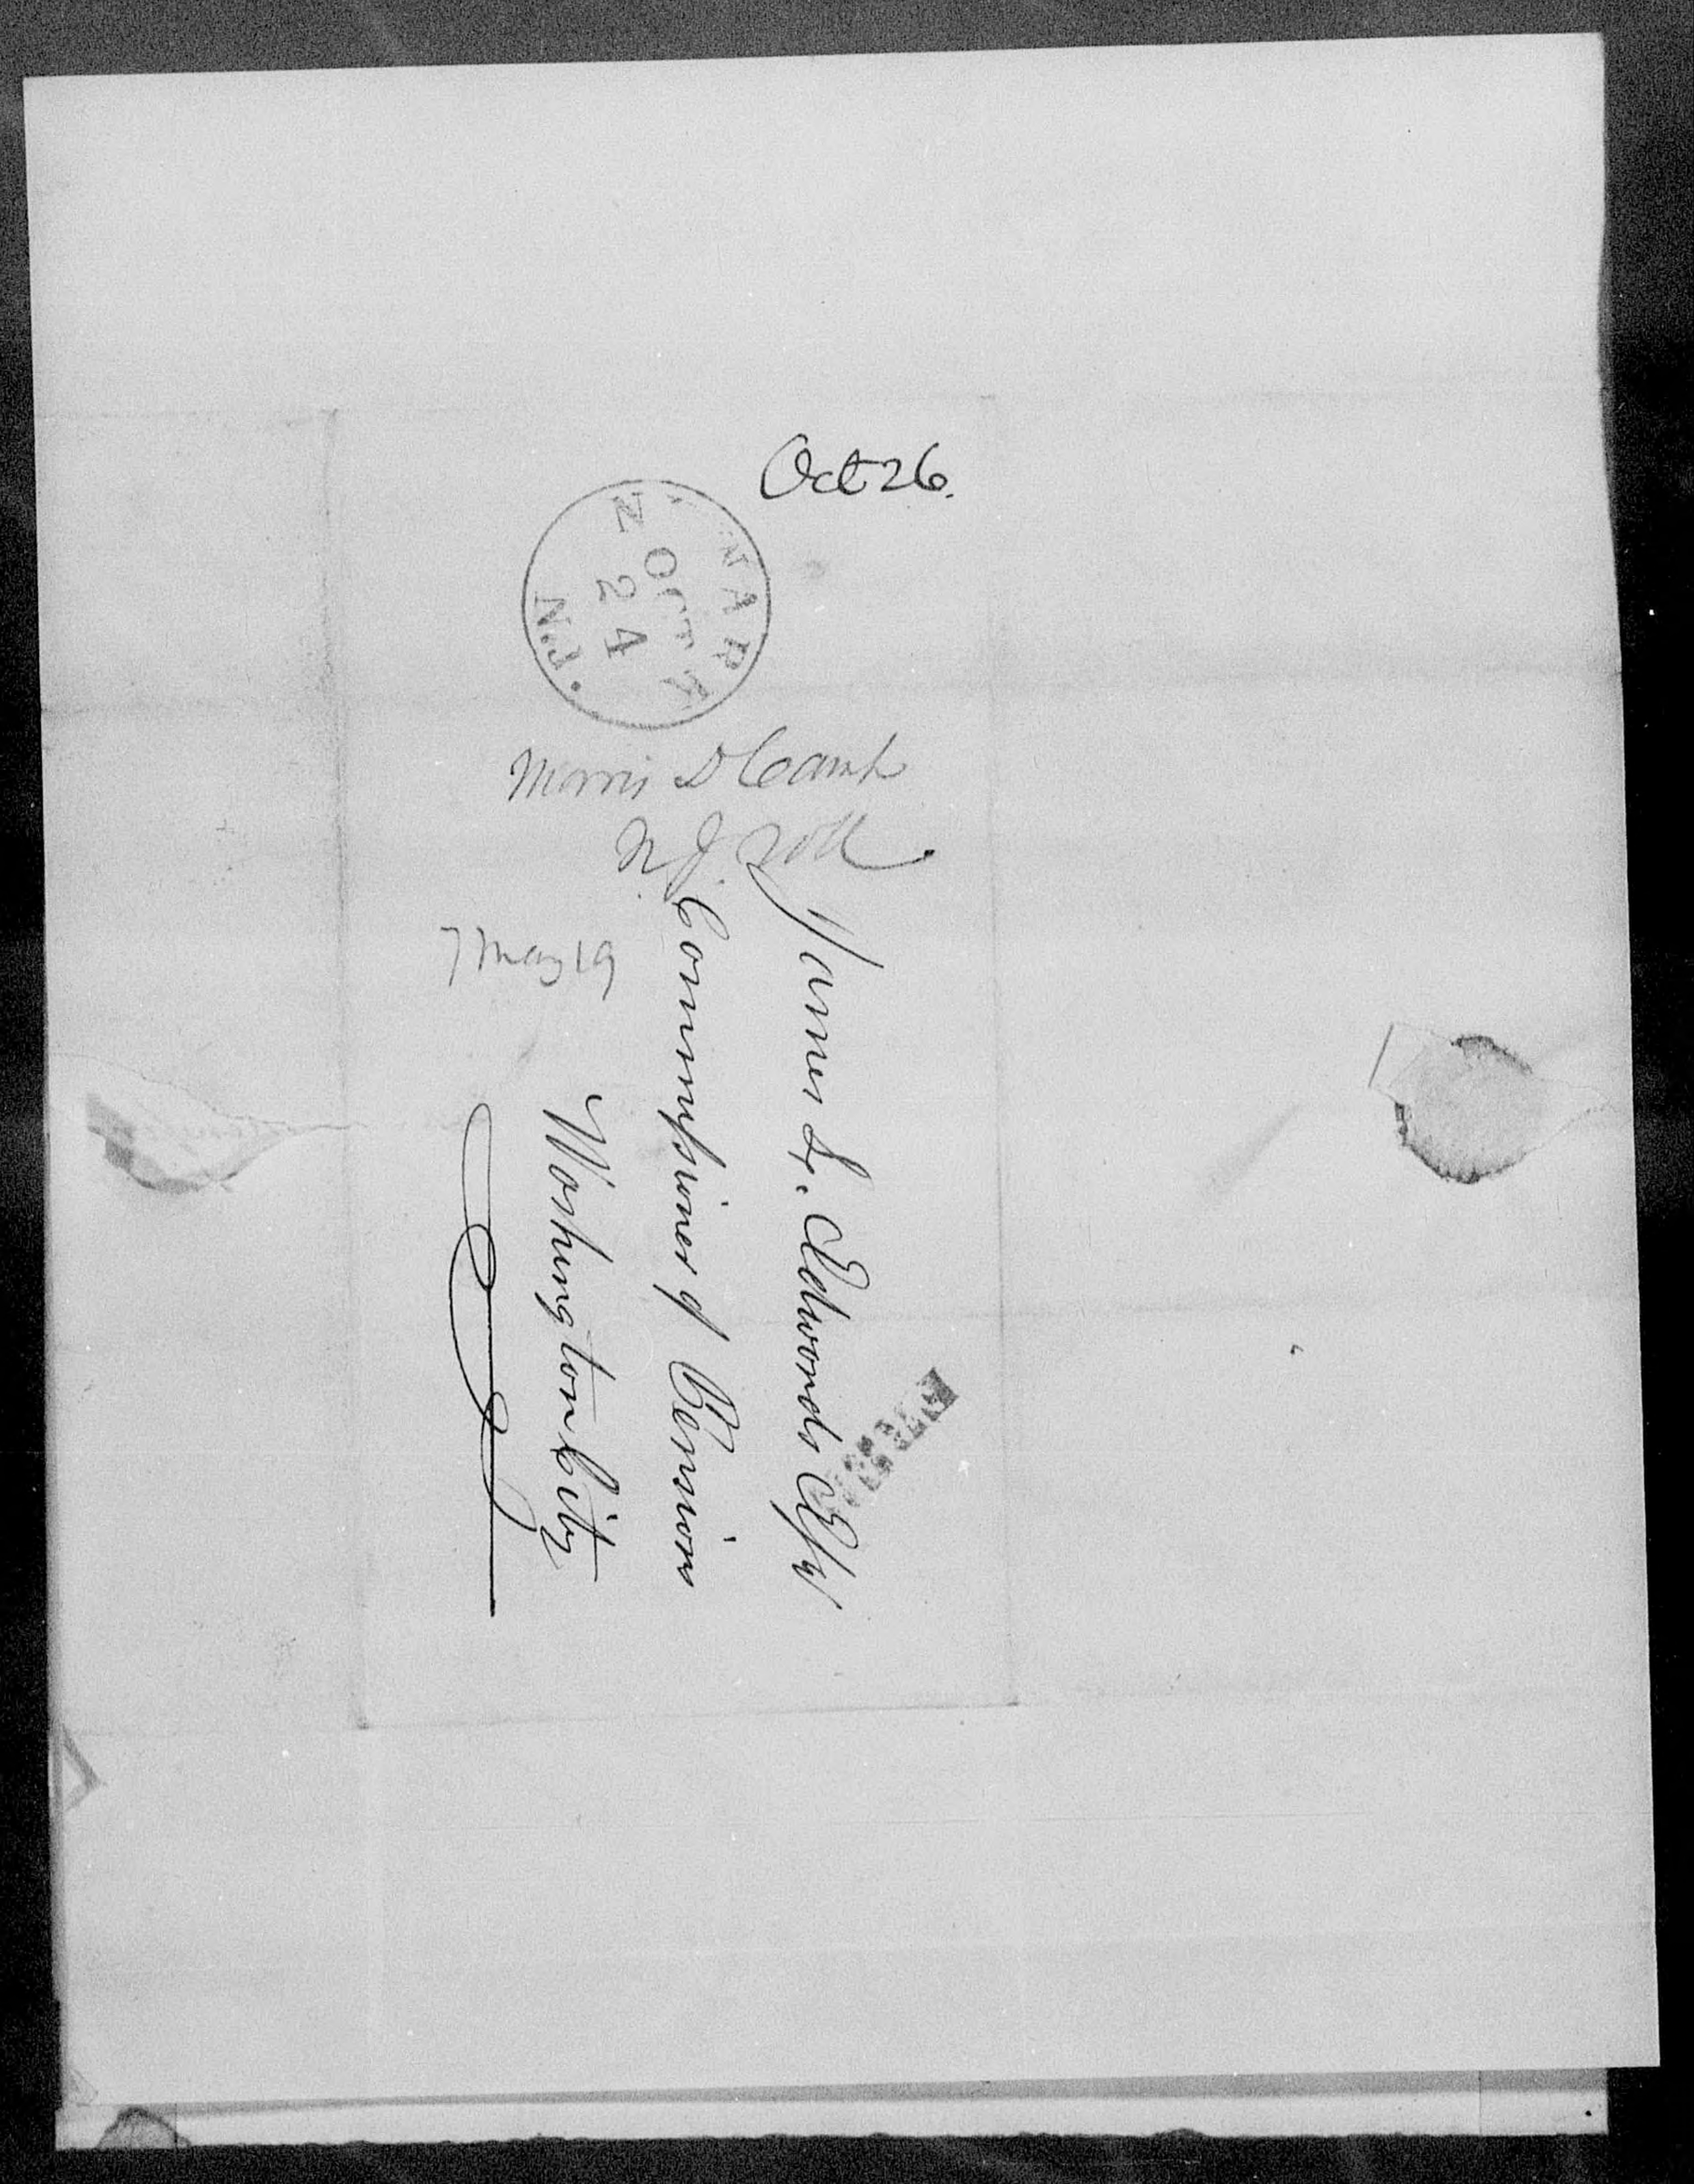Oct 26.
Morris D Camp N J roll
7 May 19

[stamp] NEWARK N.J. OCT 24

James L. Edwards Esqr
Commissioner of Pensions
Washington City

[stamp]  FREE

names: James L Edwards, Morris D Camp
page: 32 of 52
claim: survivor's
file: S. 34172, Morris D Camp, Continental (New Jersey)